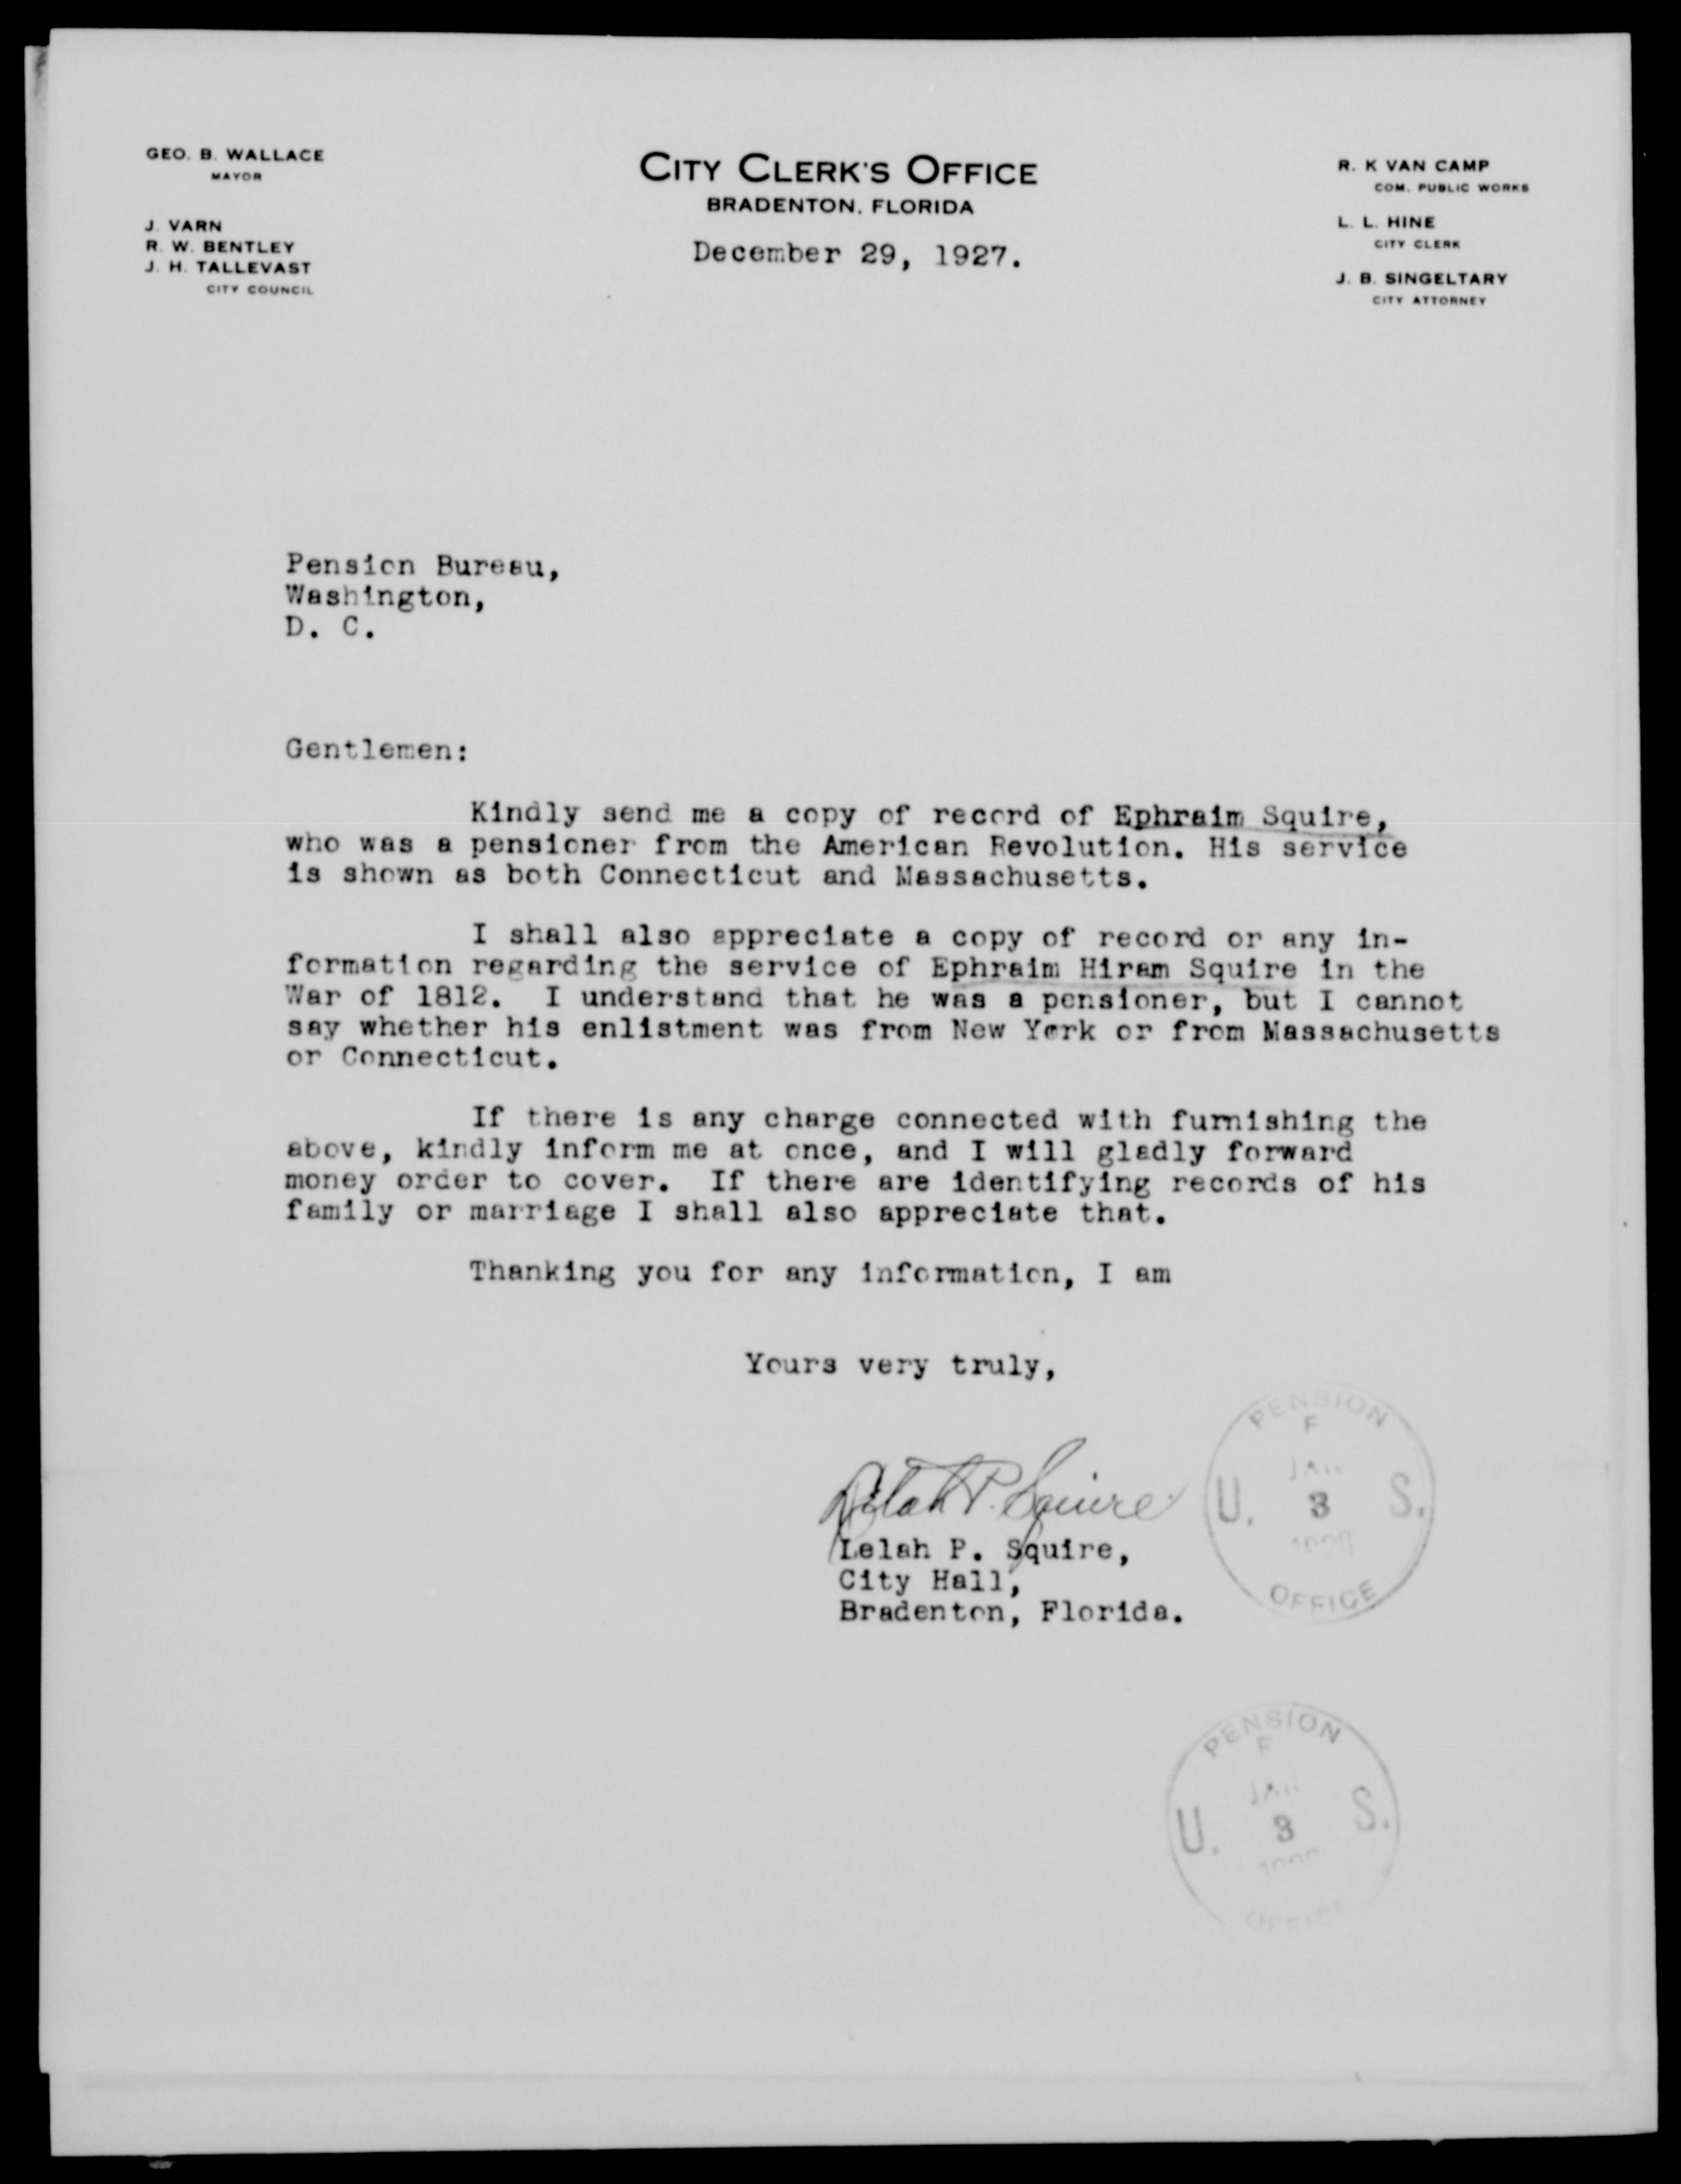(Paper Heading:)
Geo. B. Wallace - Mayor

J. Varn
R.W. Bentley
J.H. Tallevast
   city council

City Clerk's Office
Bradenton, Florida
December 29, 1927. 

R. K Van Camp
Com. Public Works
L.L. Hine
City Clerk
J.B. Singeltary
City Attorney


Pension Bureau,
Washington ,
 D.C.

Gentlemen: 
Gentlemen: Kindly send me a copy of record of Ephraim Squire, who was a pensioner from the American Revolution. His service is shown as both Connecticut and Massachusetts. 

I shall also appreciate a copy of record or any information regarding the service of Ephraim Hiram Squire in the War of 1812. I understand that he was a pensioner, but I cannot say whether his enlistment was from New York or from Massachusetts, or Connecticut.

If there is any charge connected with furnishing the above, kindly inform me at once, and I will gladly forward money order to cover. If there are identifying records of his family or marriage I shall also appreciate that. 

Thanking you for any information, I am 
Yours very truly, 
Lella P. Squire

City Hall, 
Bradenton, Florida 


 *2 stamps*
Pensions F 
U.S. 
January 3, 1928 
Office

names: J B Singeltary; Ephraim Squire; R K Van Camp; J Varn; Lelah P Squire; J H Tallevast; Lelah P Squire; Ephraim Hiram Squire; Geo S Wallace; R W Bentley; L L Hine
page: 27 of 70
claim: rejected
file: R. 10,026, for Ephraim Squier, Connecticut